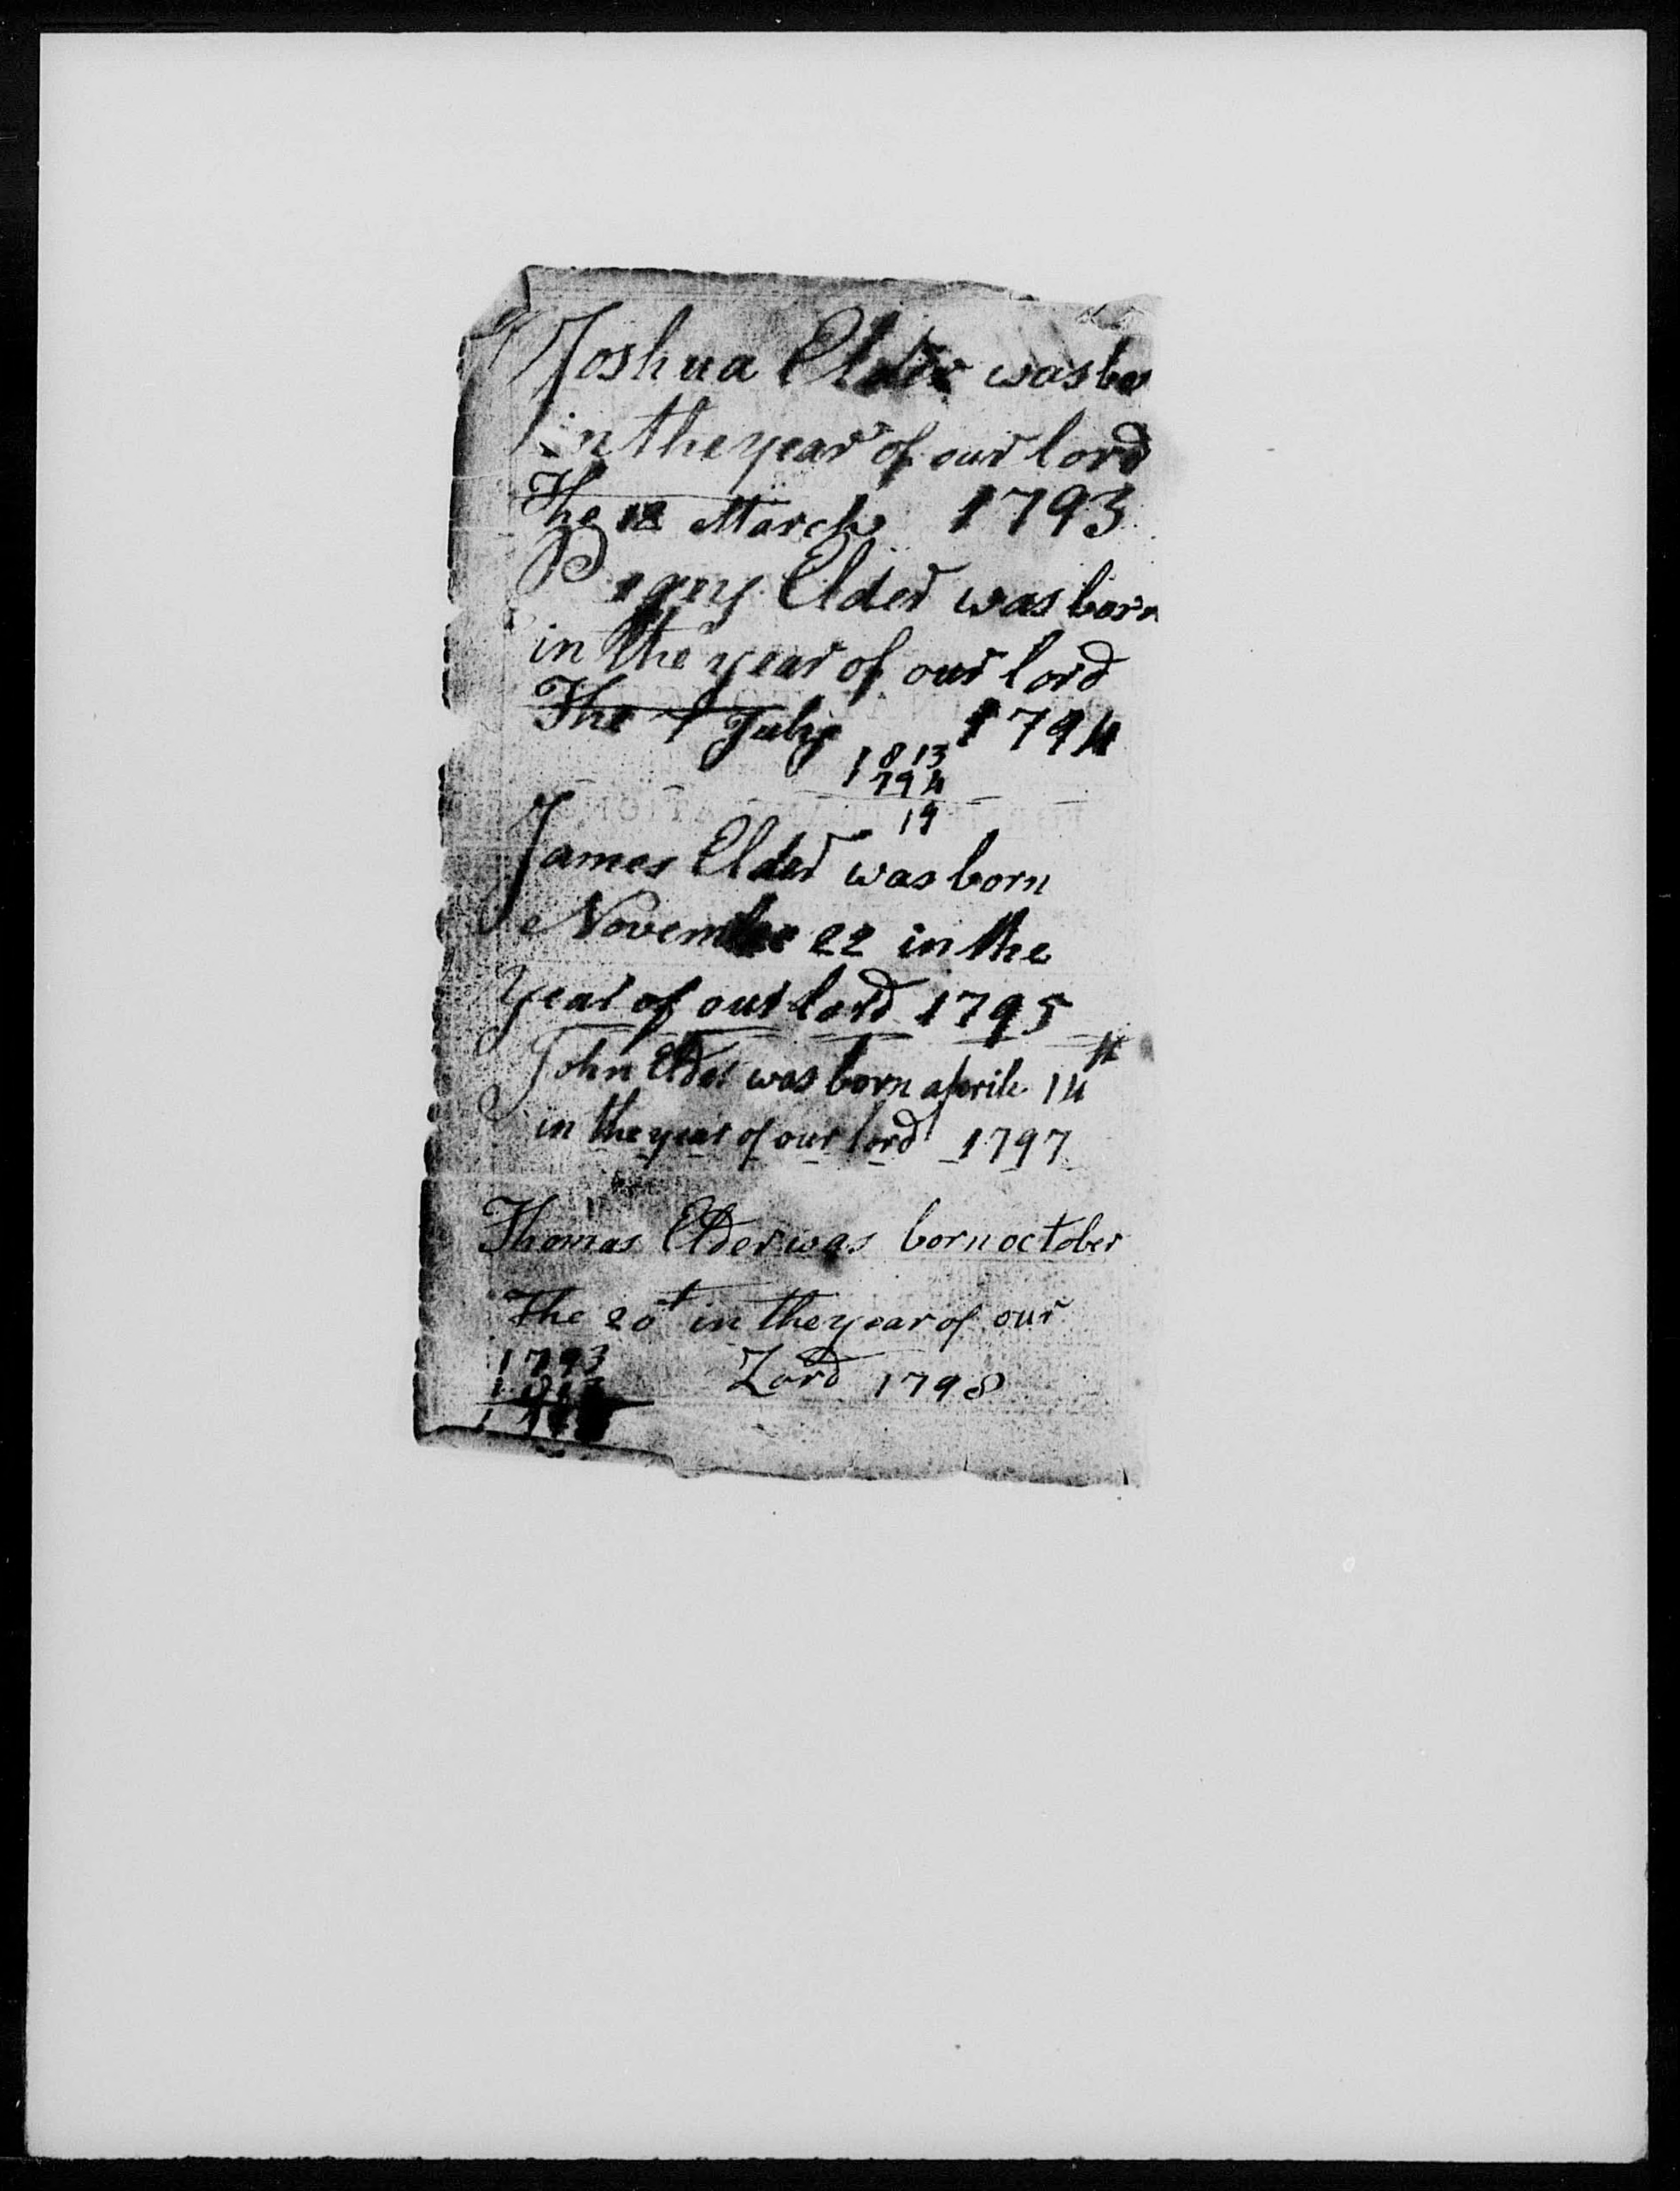Joshua Elder was born in the year of our lord 
illegible
March 1793.
Peggy Elder was born in the year of our lord 
The 
illegible
July
1796
Underneath is written 1813
1796
17
James Elder was born November 22 in the year of our lord 1795
John Elder was born April 14 in the year of our lord 1797.
Thomas Elder was born October the 20th in the year of our lord 1793. 
1798.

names: Thomas Elder, John Elder, Joshua Elder, Peggy Elder, James Elder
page: 10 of 80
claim: widow's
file: W. 24117, John Elder, Penn.